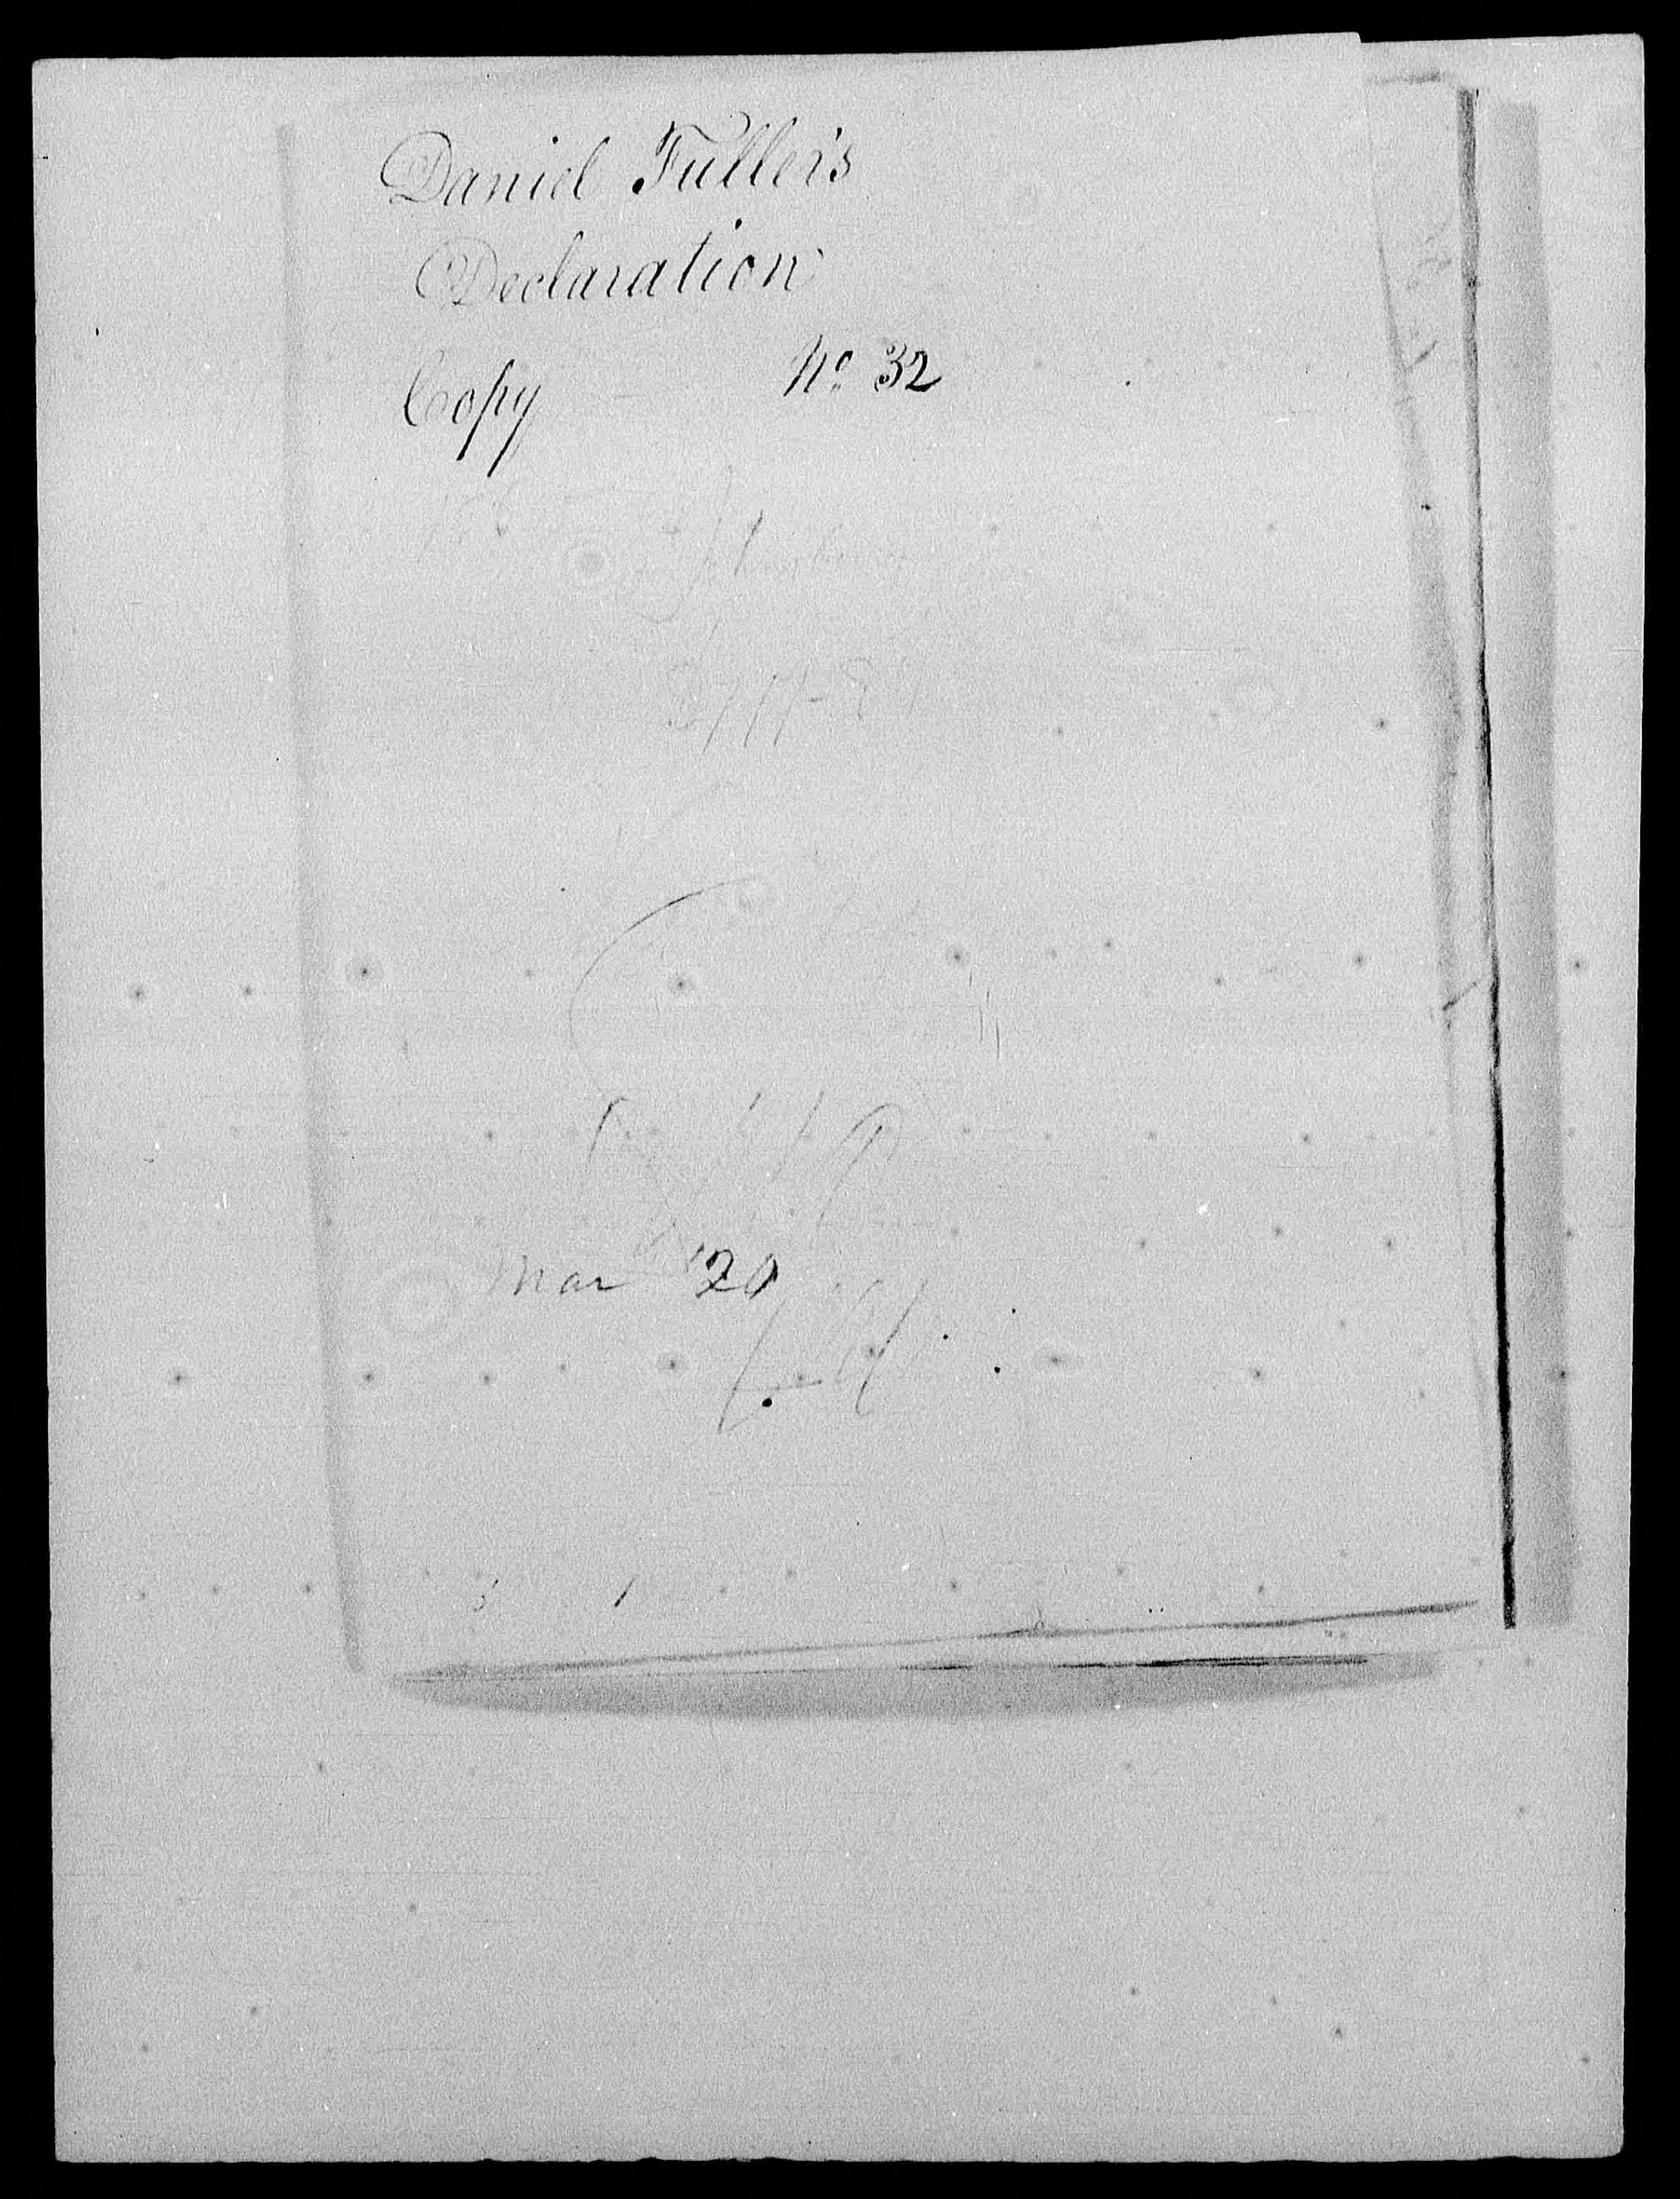Daniel Fuller's
Declaration
Copy
No 32

Mar 20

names: Daniel Fuller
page: 13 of 29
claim: survivor's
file: S. 18830, Daniel Fuller, Mass.